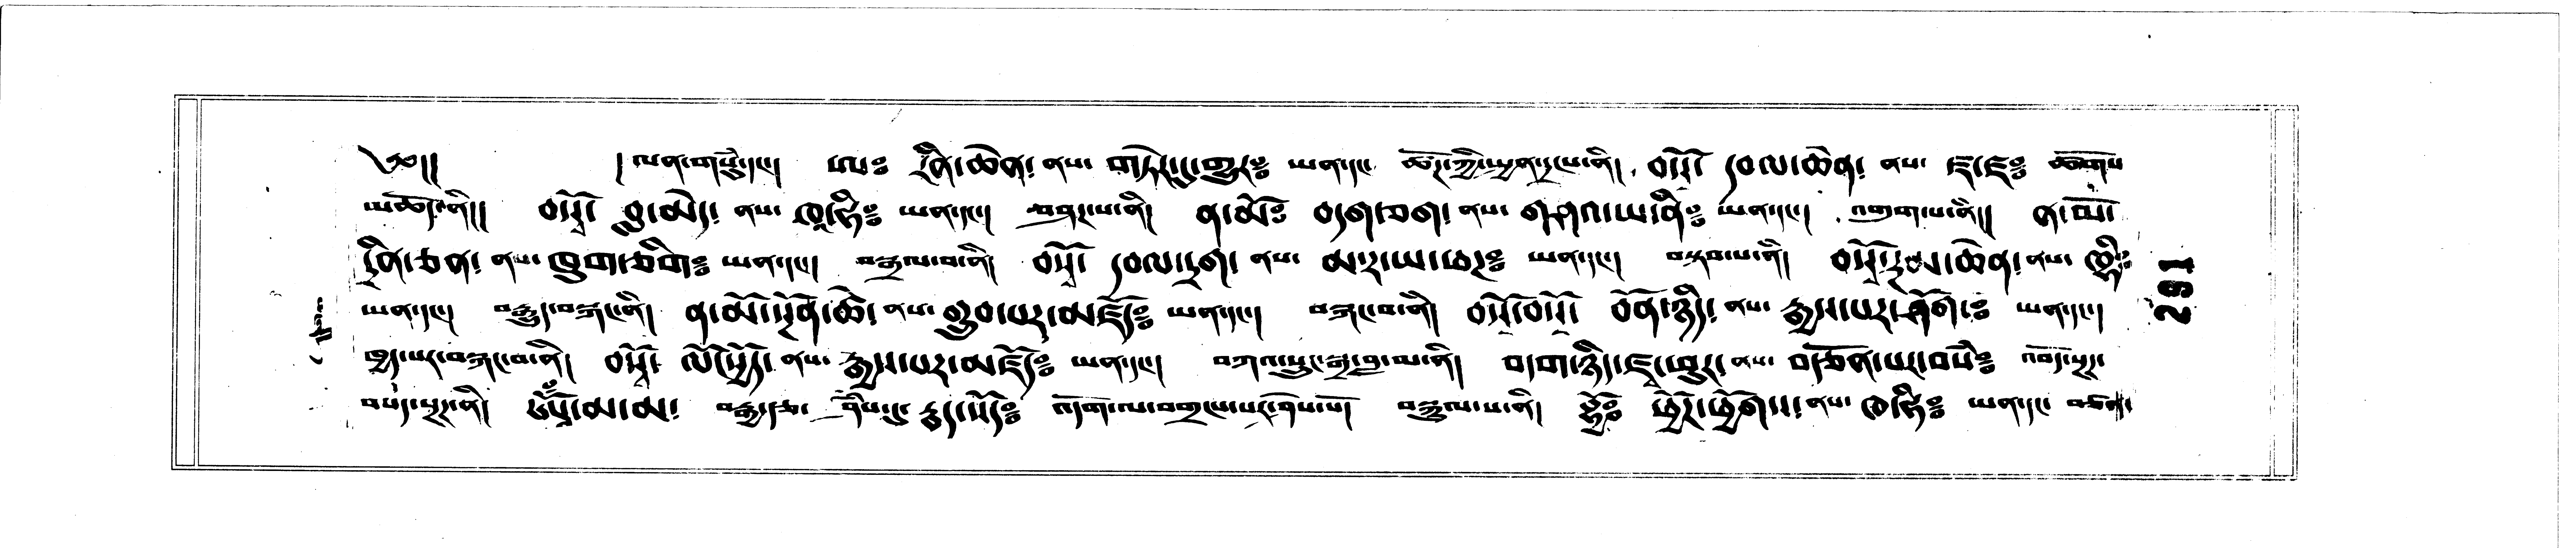ལན་གསུམ་དང་། ཨ་རིན་ཆེན་ནས་གཏེར་དུ་གྱུརཿ ཡན་དང་། ཚོགས་ཀྱི་སྤྱན་དྲངས་ནི། བསྭོ་དབལ་ཆེན་ནས་ཛ་ཛཿ ཚོགས་
མཆོད་ནི། བསྭོ་བླ་མེད་ནས་ཁ་ཧིཿ ཡན་དང་། བཤགས་པ་ནི། ན་མོ་བདག་ཅག་ནས་གཤའ་ཡ་ནིཿ ཡན་དང་། འགུག་པ་ནི། ན་མོ་
དྲིན་ཅན་ནས་ཁུག་ཅིགཿ ཡན་དང་། བསྒྲལ་བ་ནི། བསྭོ་དབང་དྲག་ནས་མ་ར་ཡ་ཕཊཿ ཡན་དང་བསྟབ་པ་ནི། བསྭོ་རྔམ་ཆེན་ནས་ཁ་ཧིཿ
ཡན་དང་། བརྒྱུད་བསྐང་ནི། ན་མོ་སྔོན་ཚེ་ནས་གྲུབ་པར་མཛོད། ཡན་དང་། བསྐང་བ་ནི། བསྭོ་བསྭོ་བོན་ཉིད་ནས་རྒྱས་པར་ཤོགཿ ཡན་དང་།
ཁྱད་པར་བསྐང་བ་ནི། བསྭོ་ལོངས་སྤྱོད་ནས་རྒྱས་པར་མཛོདཿ ཡན་དང་། བཀའ་སྲུང་སྒྲ་བླ་མ་ནི། བདག་ཉིད་ཛྭོ་ཕུར་ནས་བརྩོན་པར་བསམཿ འབོད་སྔགས་
བསད་སྔགས་ནི། ཨཱོྃཿམ་མ་བརྒྱ་རྩ་བརྒྱ་གཤམ་དུ་རྦད་སོདཿ འདོག་ལ་བགྲངས་པར་ཤེས་སོཿ བསྐུལ་པ་ནི། བྷྱོཿ ཕྱོགས་ཕྱོགས་ནས། ཁ་ཧིཿ ཡན་དང་། བཙན་